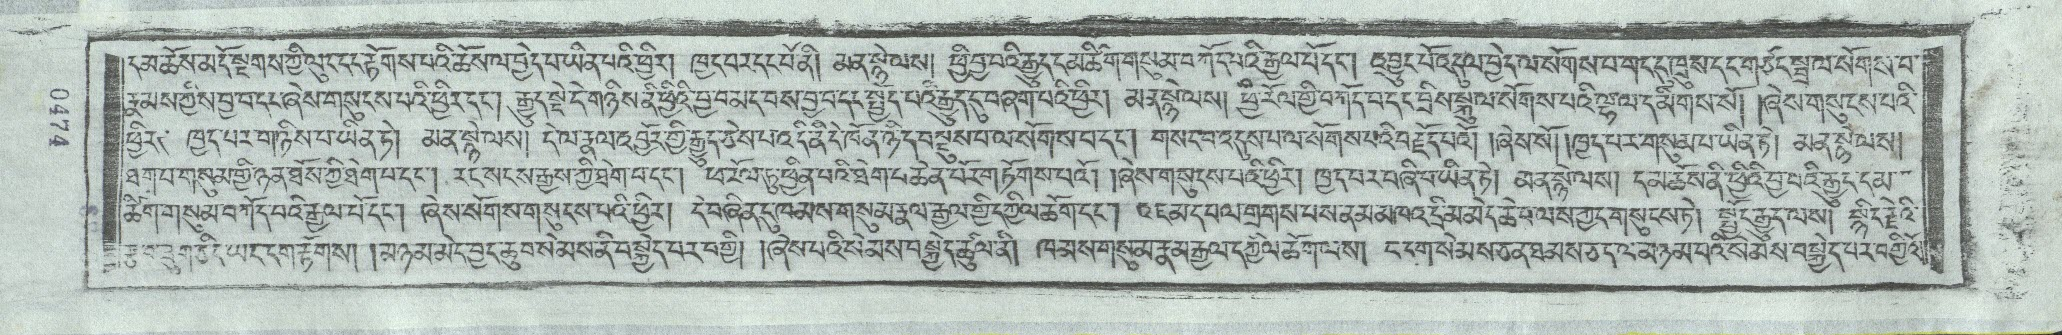དམ་ཆོས་མདོ་སྔགས་ཀྱི་ལུང་དང་རྟོགས་པའི་ཆོས་ལ་བྱེད་པ་ཡིན་པའི་ཕྱིར། ཁྱད་པར་དང་བོ་ནི། མན་སྙེ་ལས། ཕྱི་བྱ་བའི་རྒྱུད་དམ་ཚིག་གསུམ་བཀོད་པའི་རྒྱལ་པོ་དང་། འབྱུང་པོ་འདུལ་བྱེད་ལ་སོགས་པ་གང་དུ་ཁྲུས་དང་གཙང་སྦྲ་ལ་སོགས་བ་
རྣམས་ཀྱིས་བྱ་བ་དང་ཞེས་གསུངས་པའི་ཕྱིར་དང་། རྒྱུད་སྡེ་དེ་གཉིས་ནི་ཕྱིའི་བྱ་བ་མེད་བས་བྱ་བ་དང་སྤྱོད་པའི་རྒྱུད་དུ་བཞག་པའི་ཕྱིར། མན་སྙེ་ལས། ཕྱི་རོལ་གྱི་བཀོད་པ་དང་བྲིས་སྐུ་ལ་སོགས་པའི་ལྷ་ལ་དམིགས་སོ། །ཞེས་གསུངས་པའི་
ཕྱིར༑ ཁྱད་པར་གཉིས་པ་ཡིན་ཏེ། མན་སྙེ་ལས། དེ་ལ་རྣལ་འབྱོར་གྱི་རྒྱུད་ཅེས་པ་འདི་ནི་དེ་ཁོ་ན་ཉིད་བསྡུས་པ་ལ་སོགས་པ་དང་། གསང་བ་འདུས་པ་ལ་སོགས་པའི་བརྗོད་པའོ། །ཞེས་སོ། །ཁྱད་པར་གསུམ་པ་ཡིན་ཏེ། མན་སྙེ་ལས།
ཐག་པ་གསུམ་གྱི་ཉན་ཐོས་ཀྱི་ཐེག་པ་དང་། རང་སངས་རྒྱས་ཀྱི་ཐེག་པ་དང་། ཕ་རོལ་ཏུ་ཕྱིན་པའི་ཐེག་པ་ཆེན་པོར་གཏོགས་པའོ། །ཞེས་གསུངས་པའི་ཕྱིར། ཁྱད་པར་བཞི་པ་ཡིན་ཏེ། མན་སྙེ་ལས། དམ་ཆོས་ནི་ཕྱིའི་བྱ་བའི་རྒྱུད་དམ་
ཚིག་གསུམ་བཀོད་བའི་རྒྱལ་པོ་དང་། ཞེས་སོགས་གསུངས་པའི་ཕྱིར། དེ་བཞིན་དུ་ཁམས་གསུམ་རྣལ་རྒྱལ་གྱི་དཀྱིལ་ཆོག་དང་། འཇམ་དཔལ་གྲགས་པས་ནམ་མཁའ་དྲི་མ་མེད་ཆེ་བ་ལས་ཀྱང་གསུངས་ཏེ། སྤྱོད་མྲྒྱུད་ལས། སྙིང་རྗེའི་
རྩ་བཟུག་ཅིང་ཡང་དག་རྟོགས། །མཉམ་མེད་བྱང་ཆུབ་སེམས་ནི་བསྐྱེད་བར་བགྱི། །ཞེས་པའི་སེམས་བསྐྱེད་ཚུལ་ནི། ཁམས་གསུམ་རྣམ་རྒྱལ་དཀྱིལ་ཆོག་ལས། ད་དག་སེམས་ཅན་ཐམས་ཅད་ལ་དང་མཉམ་པའི་སེམས་བསྐྱེད་པར་བགྱིའོ་